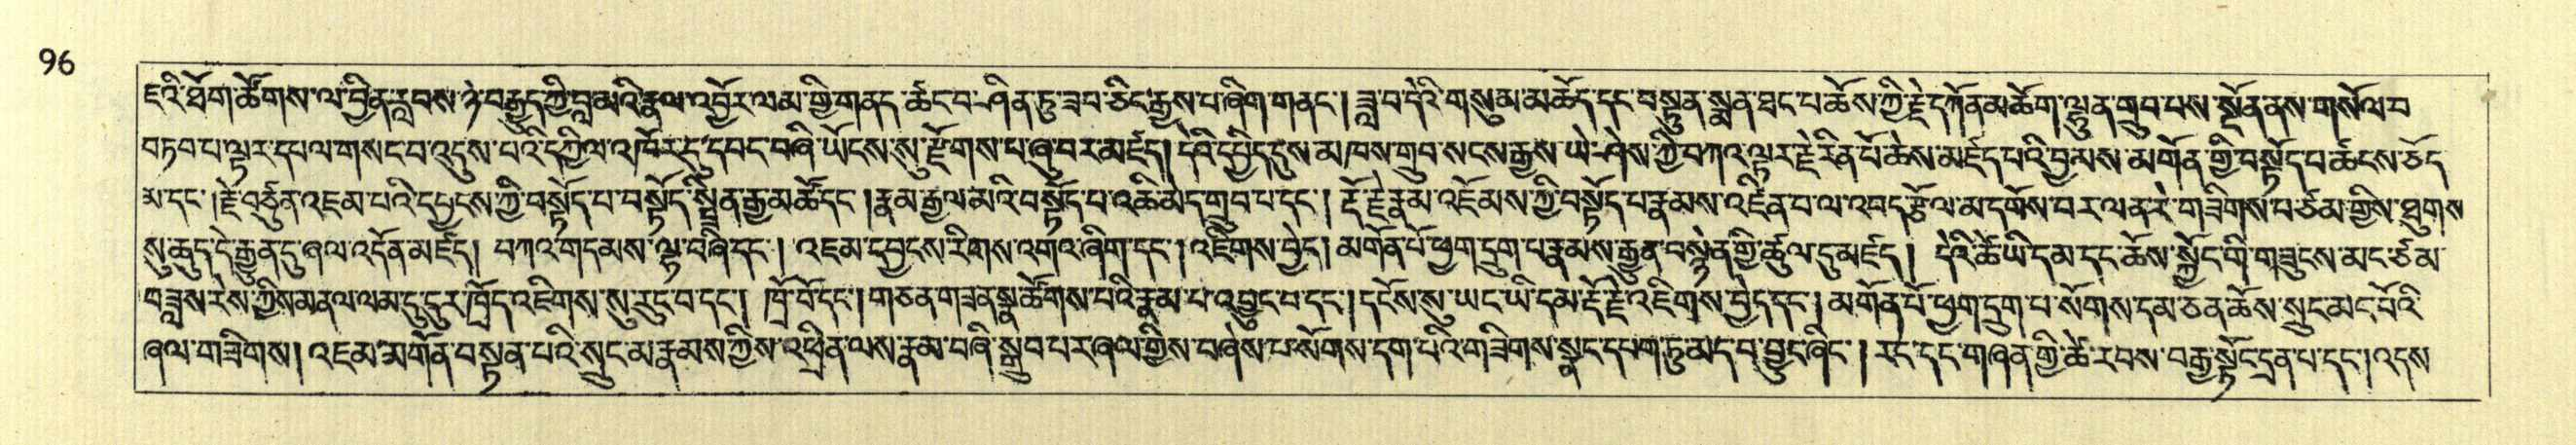ཇའི་ཐོག་ཚོགས་ལ་བྱིན་རླབས་ཉེ་བརྒྱུད་ཀྱི་བླ་མའི་རྣལ་འབྱོར་ལམ་གྱི་གནད་ཚང་བ་ཤིན་ཏུ་ཟབ་ཅིང་རྒྱས་པ་ཞིག་གནང་། ཟླ་བ་དེའི་གསུམ་མཆོད་དང་བསྟུན་སྨན་ཐང་པ་ཆོས་ཀྱི་རྗེ་དཀོན་མཆོག་ལྷུན་གྲུབ་པས་སྔོན་ནས་གསོལ་བ་
བཏབ་པ་ལྟར་དཔལ་གསང་བ་འདུས་པའི་དཀྱིལ་འཁོར་དུ་དབང་བཞི་ཡོངས་སུ་རྫོགས་པ་ཞུ་བར་མཛད། དེའི་དཔྱིད་དུས་མཁས་གྲུབ་སངས་རྒྱས་ཡེ་ཤེས་ཀྱི་བཀའ་ལྟར་རྗེ་རིན་པོ་ཆེས་མཛད་པའི་བྱམས་མགོན་གྱི་བསྟོད་པ་ཚངས་ཅོད་
མ་དང་། རྗེ་བཙུན་འཇམ་པའི་དབྱངས་ཀྱི་བསྟོད་པ་བསྟོད་སྦྲིན་རྒྱ་མཚོ་དང་། རྣམ་རྒྱལ་མའི་བསྟོད་པ་འཆི་མེད་གྲུབ་པ་དང་། རྡོ་རྗེ་རྣམ་འཇོམས་ཀྱི་བསྟོད་པ་རྣམས་འཛིན་པ་ལ་འབད་རྩོལ་མ་དགོས་བར་ལན་རེ་གཟིགས་པ་ཙམ་གྱིས་ཐུགས་
སུ་ཆུད་དེ་རྒྱུན་དུ་ཞལ་འདོན་མཛད། བཀའ་གདམས་ལྷ་བཞི་དང་། འཇམ་དབྱངས་རིགས་འགའ་ཞིག་དང་། འཇིགས་བྱེད། མགོན་པོ་ཕྱག་དྲུག་པ་རྣམས་རྒྱུན་བསྙེན་གྱི་ཚུལ་དུ་མཛད། དེའི་ཚེ་ཡི་དམ་དང་ཆོས་སྐྱོང་གི་གཟུངས་མང་ཙམ་
བཟླས་རེས་ཀྱིས་མནལ་ལམ་དུ་དུར་ཁྲོད་འཇིགས་སུ་རུང་བ་དང་། ཁྲོ་བོ་དང་། གཅན་གཟན་སྣ་ཚོགས་པའི་རྣམ་པ་འབྱུང་པ་དང་། དངོས་སུ་ཡང་ཡི་དམ་རྡོ་རྗེ་འཇིགས་བྱེད་དང་། མགོན་པོ་ཕྱག་དྲུག་པ་སོགས་དམ་ཅན་ཆོས་སྲུང་མང་པོའི་
ཞལ་གཟིགས། འཇམ་མགོན་བསྟན་པའི་སྲུང་མ་རྣམས་ཀྱིས་འཕྲིན་ལས་རྣམ་བཞི་སྒྲུབ་པར་ཞལ་གྱིས་བཞེས་པ་སོགས་དག་པའི་གཟིགས་སྣང་དཔག་ཏུ་མད་བ་བྱུང་ཞིང་། རང་དང་གཞན་གྱི་ཚེ་རབས་བརྒྱ་སྟོང་དྲན་པ་དང་། འདས་